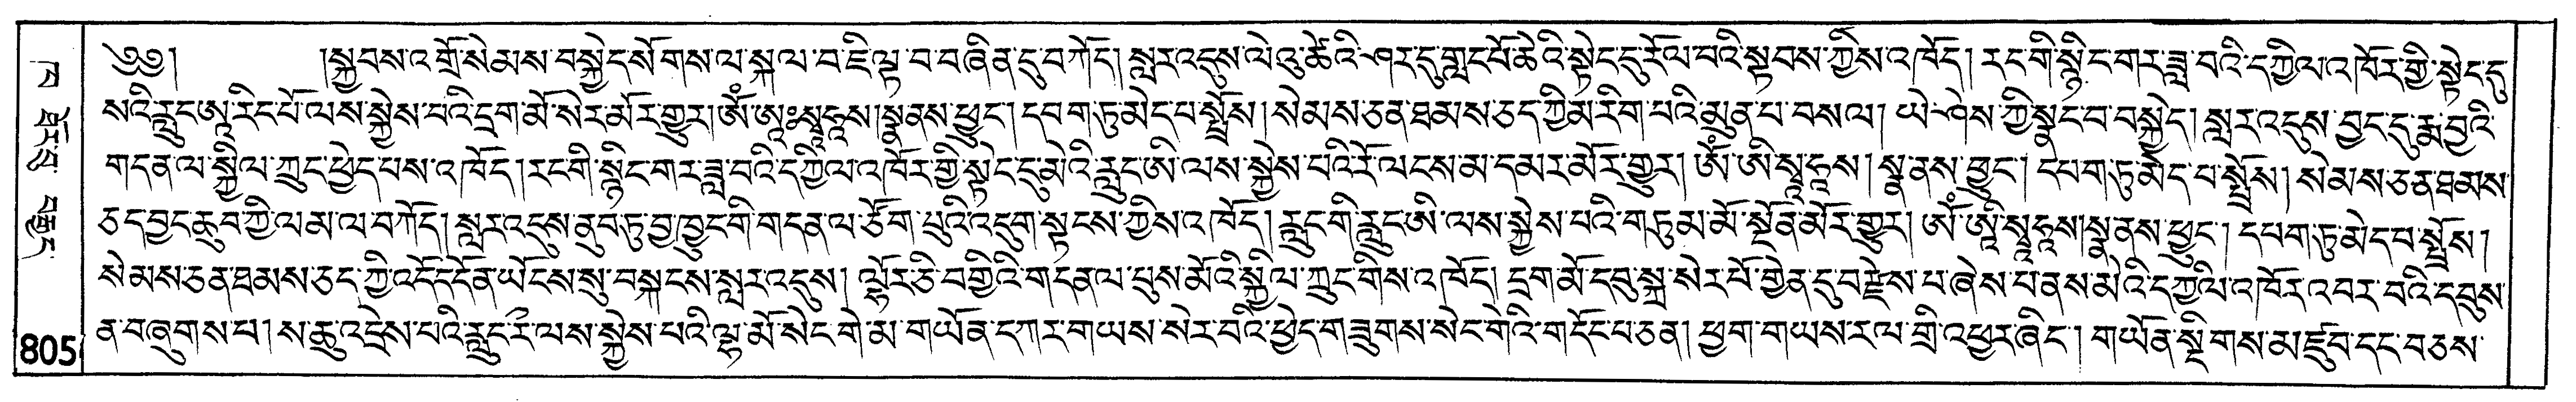༄༅། །སྐྱབས་འགྲོ་སེམས་བསྐྱེད་སོགས་ལ་སྐལ་བ་ཇི་ལྟ་བ་བཞིན་དུ་བཀོད། སླར་འདུས་ལེའུ་ཚེའི་ཤར་དུ་གླང་པོ་ཆེའི་སྟེང་དུ་རོལ་པའི་སྟབས་ཀྱིས་འཁོད། རང་གི་སྙིང་གར་ཟླ་བའི་དཀྱིལ་འཁོར་གྱི་སྟེང་དུ་
སའི་རླུང་ཨཱ་རིང་པོ་ལས་སྐྱེས་པའི་དྲག་མོ་སེར་མོར་གྱུར། ཨོཾ་ཨཱཿ སྭཱཧཱས། སྣ་ནས་ཕུང་། དཔག་ཏུ་མེད་པ་སྤྲོས། སེམས་ཅན་ཐམས་ཅད་ཀྱི་མ་རིག་པའི་མུན་པ་བསལ། ཡེ་ཤེས་ཀྱི་སྣང་བ་བསྐྱེད། སླར་འདུས་བྱང་དུ་རྨ་བྱའི་
གདན་ལ་སྐྱིལ་ཀྲུང་ཕྱེད་པས་འཁོད། རང་གི་སྙིང་གར་ཟླ་བའི་དཀྱིལ་འཁོར་གྱི་སྟེང་དུ་མེའི་རླུང་ཨི་ལས་སྐྱེས་པའི་རོ་ལངས་མ་དམར་མོར་གྱུར། ཨོཾ་ཨི་སྭཱཧཱས། སྣ་ནས་ཕྱུང་། དཔག་ཏུ་མེད་པ་སྤྲོས། སེམས་ཅན་ཐམས་
ཅད་བྱང་ཆུབ་ཀྱི་ལམ་ལ་བཀོད། སླར་འདུས་ནུབ་ཏུ་བྱ་ཁྱུང་གི་གདན་ལ་ཙོག་བུའི་འདུག་སྟངས་ཀྱིས་འཁོད། རླུང་གི་རླུང་ཨི་ལས་སྐྱེས་པའི་གཏུམ་མོ་སྔོན་མོར་གྱུར། ཨོཾ་ཨཱི་སྭཱཧཱས། སྣ་ནས་ཕྱུང་། དཔག་ཏུ་མེད་པ་སྤྲོས།
སེམས་ཅན་ཐམས་ཅད་ཀྱི་འདོད་དོན་ཡོངས་སུ་བསྐངས་སླར་འདུས། ལྷོར་ཅི་བགྱིའི་གདན་ལ་པུས་མོའི་སྐྱིལ་ཀྲུང་གིས་འཁོད། དྲག་མོ་དབུ་སྐྲ་སེར་པོ་གྱེན་དུ་བརྫེས་པ་ཞེས་པ་ནས་མེའི་དཀྱིལ་འཁོར་འབར་བའི་དབུས་
ན་བཞུགས་པ། ས་ཆུ་འདྲེས་པའི་རླུང་རྀ་ལས་སྐྱེས་པའི་ལྷ་མོ་སེང་གེ་མ་གཡོན་དཀར་གཡས་སེར་བའི་ཕྱེད་གཟུགས་སེང་གེའི་གདོང་པ་ཅན། ཕྱག་གཡས་རལ་གྲི་འཕྱར་ཞིང་། གཡོན་སྡིགས་མཛུབ་དང་བཅས་